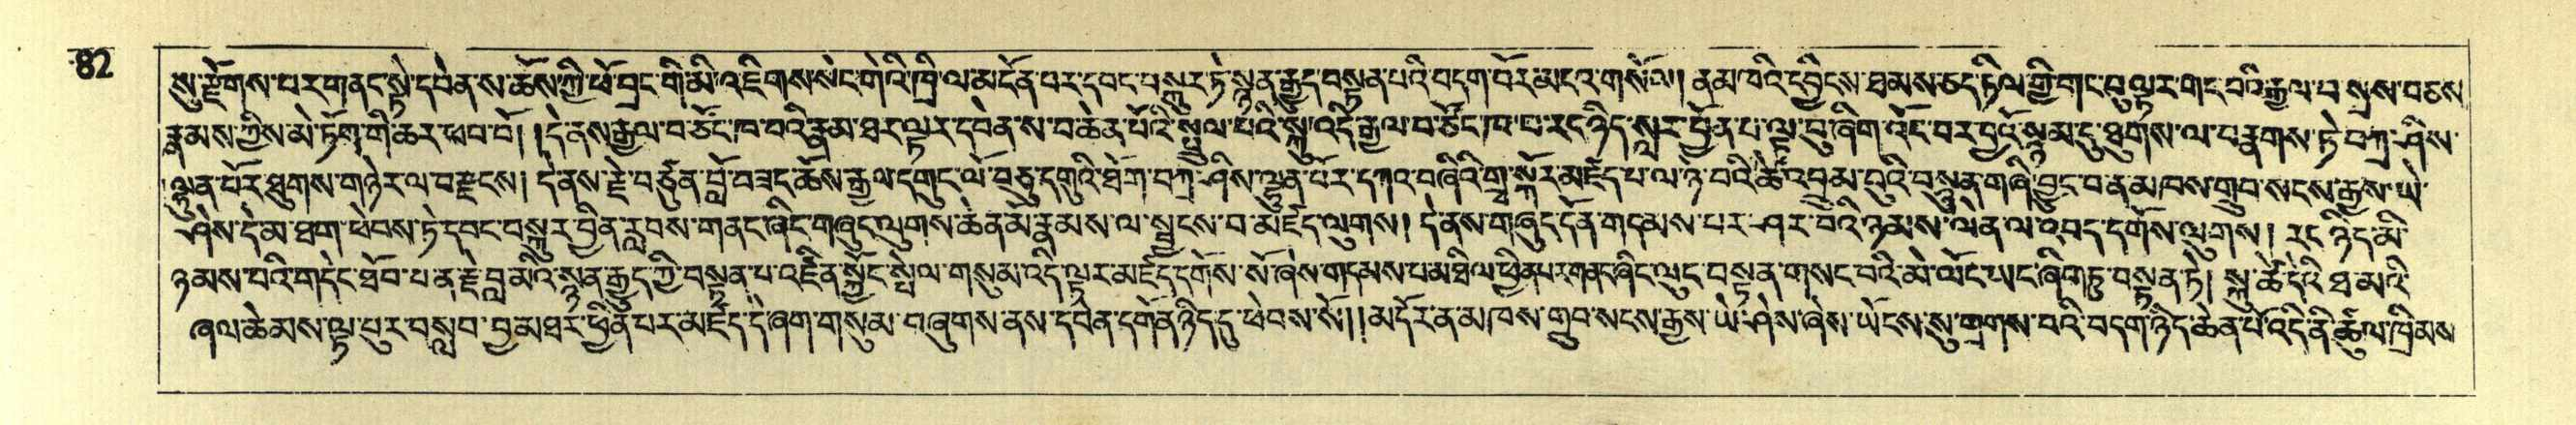སུ་རྫོགས་པར་གནང་སྟེ་དབེན་ས་ཆོས་ཀྱི་ཕོ་བྲང་གི་མི་འཇིགས་སེང་གེའི་ཁྲི་ལ་མངོན་བར་དབང་བསྐུར་ཏེ་སྙན་རྒྱུད་བསྟན་པའི་བདག་བོར་མངའ་གསོལ། ནམ་མཁའི་དབྱིངས་ཐམས་ཅད་ཏིལ་གྱི་གང་བུ་ལྟར་གང་བའི་རྒྱལ་བ་སྲས་བཅས་
རྣམས་ཀྱིས་མེ་ཏོག་གི་ཆར་ཕབ་བོ། །དེ་ནས་རྒྱལ་བ་ཙོང་ཁ་བའི་རྣམ་ཐར་ལྟར་དབེན་ས་བ་ཆེན་པོའི་སྤྲུལ་པའི་སྐུ་འདི་རྒྱལ་བ་ཙོང་ཁ་པ་རང་ཉིད་སླར་བྱོན་པ་ལྟ་བུ་ཞིག་འོང་བར་བྱའོ་སྙམ་དུ་ཐུགས་ལ་བརྣགས་ཏེ་བཀྲ་ཤིས་
ལྷུན་པོར་ཐུགས་གཉེར་ལ་བརྫངས། དེ་ནས་རྗེ་བཙུན་བློ་བཟང་ཆོས་རྒྱལ་དགུང་ལོ་བཅུ་དགུའི་ཐོག་བཀྲ་ཤིས་ལྷུན་པོར་དཀའ་བཞིའི་གྲྭ་སྐོར་མཛད་པ་ལ་ཉེ་བའི་ཚེ་འབྲུམ་བུའི་བསྙུན་གཞི་བྱུང་བ་ན་མཁས་གྲུབ་སངས་རྒྱས་ཡེ་
ཤེས་དེ་མ་ཐག་ཕེབས་ཏེ་དབང་བསྐུར་བྱིན་རླབས་གནང་ཞིང་གཞུང་ལུགས་ཆེན་མོ་རྣམས་ལ་སྦྱངས་བ་མཛད་ལུགས། དེ་ནས་གཞུང་དོན་གདམས་པར་ཤར་བའི་ཉམས་ལེན་ལ་འབད་དགོས་ལུགས། རང་ཉིད་མི་
ཉམས་པའི་གདེང་ཐོབ་པ་ན་རྗེ་བླ་མའི་སྙན་རྒྱུད་ཀྱི་བསྟན་པ་འཛིན་སྐྱོང་སྤེལ་གསུམ་འདི་ལྟར་མཛད་དགོས་སོ་ཞེས་གདམས་པ་མཐིལ་ཕྱིན་པར་གནང་ཞིང་ལུང་བསྟན་གསང་བའི་མེ་ལོང་ཡང་ཞིག་ཏུ་བསྟན་ཏེ། སྐུ་ཚེ་དེའི་ཐ་མའི་
ཞལ་ཆེམས་ལྟ་བུར་བསླབ་བྱ་མཐར་ཕྱིན་པར་མཛད་དེ་ཞག་གསུམ་བཞུགས་ནས་དབེན་དགོན་ཉིད་དུ་ཕེབས་སོ། །མདོར་ན་མཁས་གྲུབ་སངས་རྒྱས་ཡེ་ཤེས་ཞེས་ཡོངས་སུ་གྲགས་བའི་བདག་ཉིད་ཆེན་པོ་འདི་ནི་ཚུལ་ཁྲིམས་